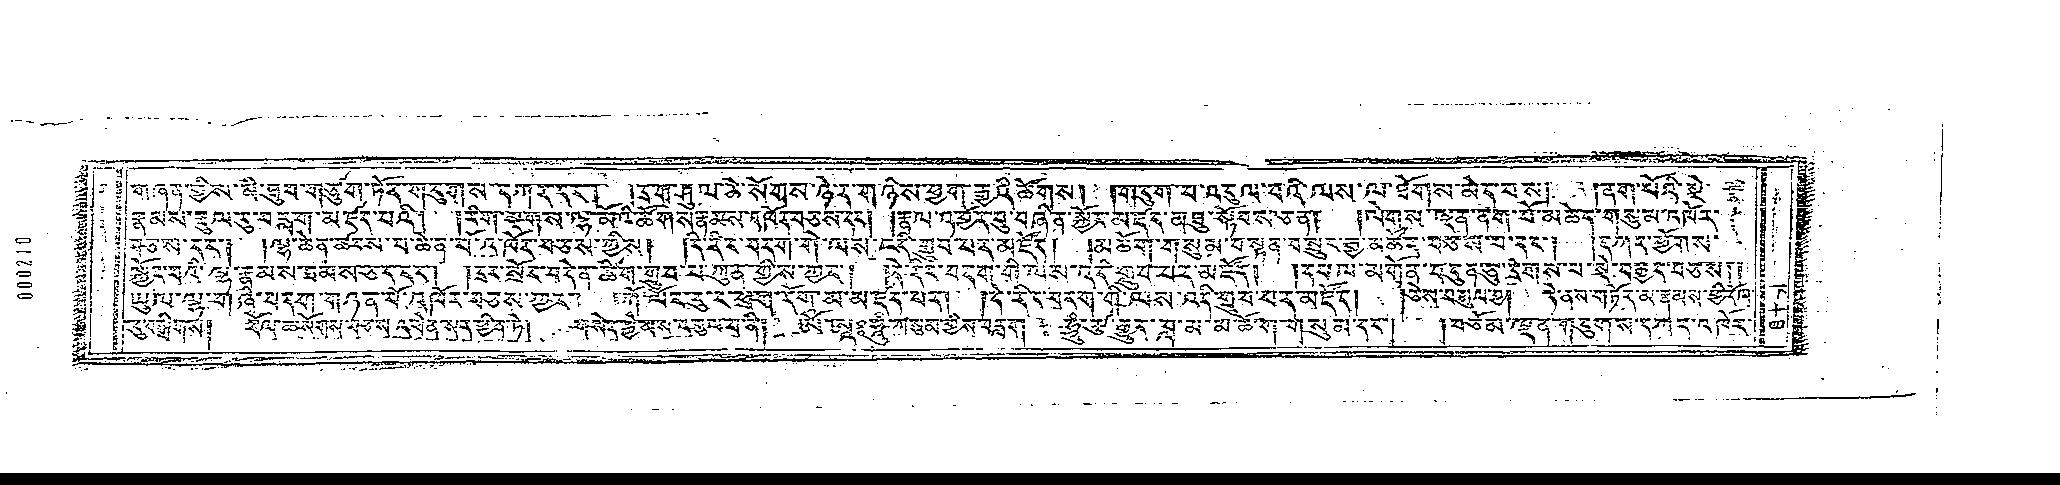གཞན་གྱིས་མི་ཐུབ་གཙུག་ཏོར་གདུགས་དཀར་དང་། །དྲག་ཤུལ་ཆེ་སོགས་ཉེར་གཉིས་ཕྱག་རྒྱའི་ཚོགས། །གདུག་པ་འདུལ་བའི་ལས་ལ་ཐོགས་མེད་པས། །ནག་པའི་སྡེ་
རྣམས་རྡུལ་དུ་བརླག་མཛད་པའི། །རིག་སྔགས་ལྷ་མོའི་ཚོགས་རྣམས་འཁོར་བཅས་དང་། །རྣལ་འབྱོར་བུ་བཞིན་སྐྱོང་མཛད་མཐུ་སྟོབས་ཅན། །ལེགས་ལྡན་ནག་པོ་མཆེད་གསུམ་འཁོར་
བཅས་དང་། །ལྷ་ཆེན་ཚངས་པ་ཆེན་པོ་འཁོར་བཅས་ཀྱིས། །དེ་རིང་བདག་གི་ལས་འདི་གྲུབ་པར་མཛོད། །མཆོག་གསུམ་བསྟན་བསྲུང་རྒྱ་མཚོར་བཅས་པ་དང་། །དཀར་ཕྱོགས་
སྐྱོང་བའི་ལྷ་རྣམས་ཐམས་ཅད་དང་། །དྲང་སྲོང་བདེན་ཚིག་གྲུབ་པ་ཀུན་གྱིས་ཀྱང་། །དེ་རིང་བདག་གི་ལས་འདི་གྲུབ་པར་མཛོད། །དཔལ་མགོན་བདུན་ཅུ་དྲེགས་པ་སྡེ་བརྒྱད་བཅས། །
ཡུལ་ལྷ་གཞི་བདག་གཉན་པོ་འཁོར་བཅས་ཀྱང་། །ཀོ་ལོང་རུ་ང་ཕྲག་དོག་མ་མཛད་པར། །དེ་རིང་བདག་གི་ལས་འདི་གྲུབ་པར་མཛོད། །ཅེས་བསྐུལ་བྱ། དེ་ནས་གཏོར་མ་རྣམས་ཕྱི་རོལ་
དུ་བསྒྲིགས། རོལ་ཆ་སོགས་བཅས་འཕེན་སར་ཕྱིན་ཏེ། གསེར་སྐྱེམས་འབུལ་བ་ནི། ཨོཾ་ཨཱཿ་ཧཱུཾ་གསུམ་གྱིས་བརླབ། ཧཱུཾ་རྩ་རྒྱུད་བླ་མ་མཆོག་གསུམ་དང་། །བཅོམ་ལྡན་གདུགས་དཀར་འཁོར་